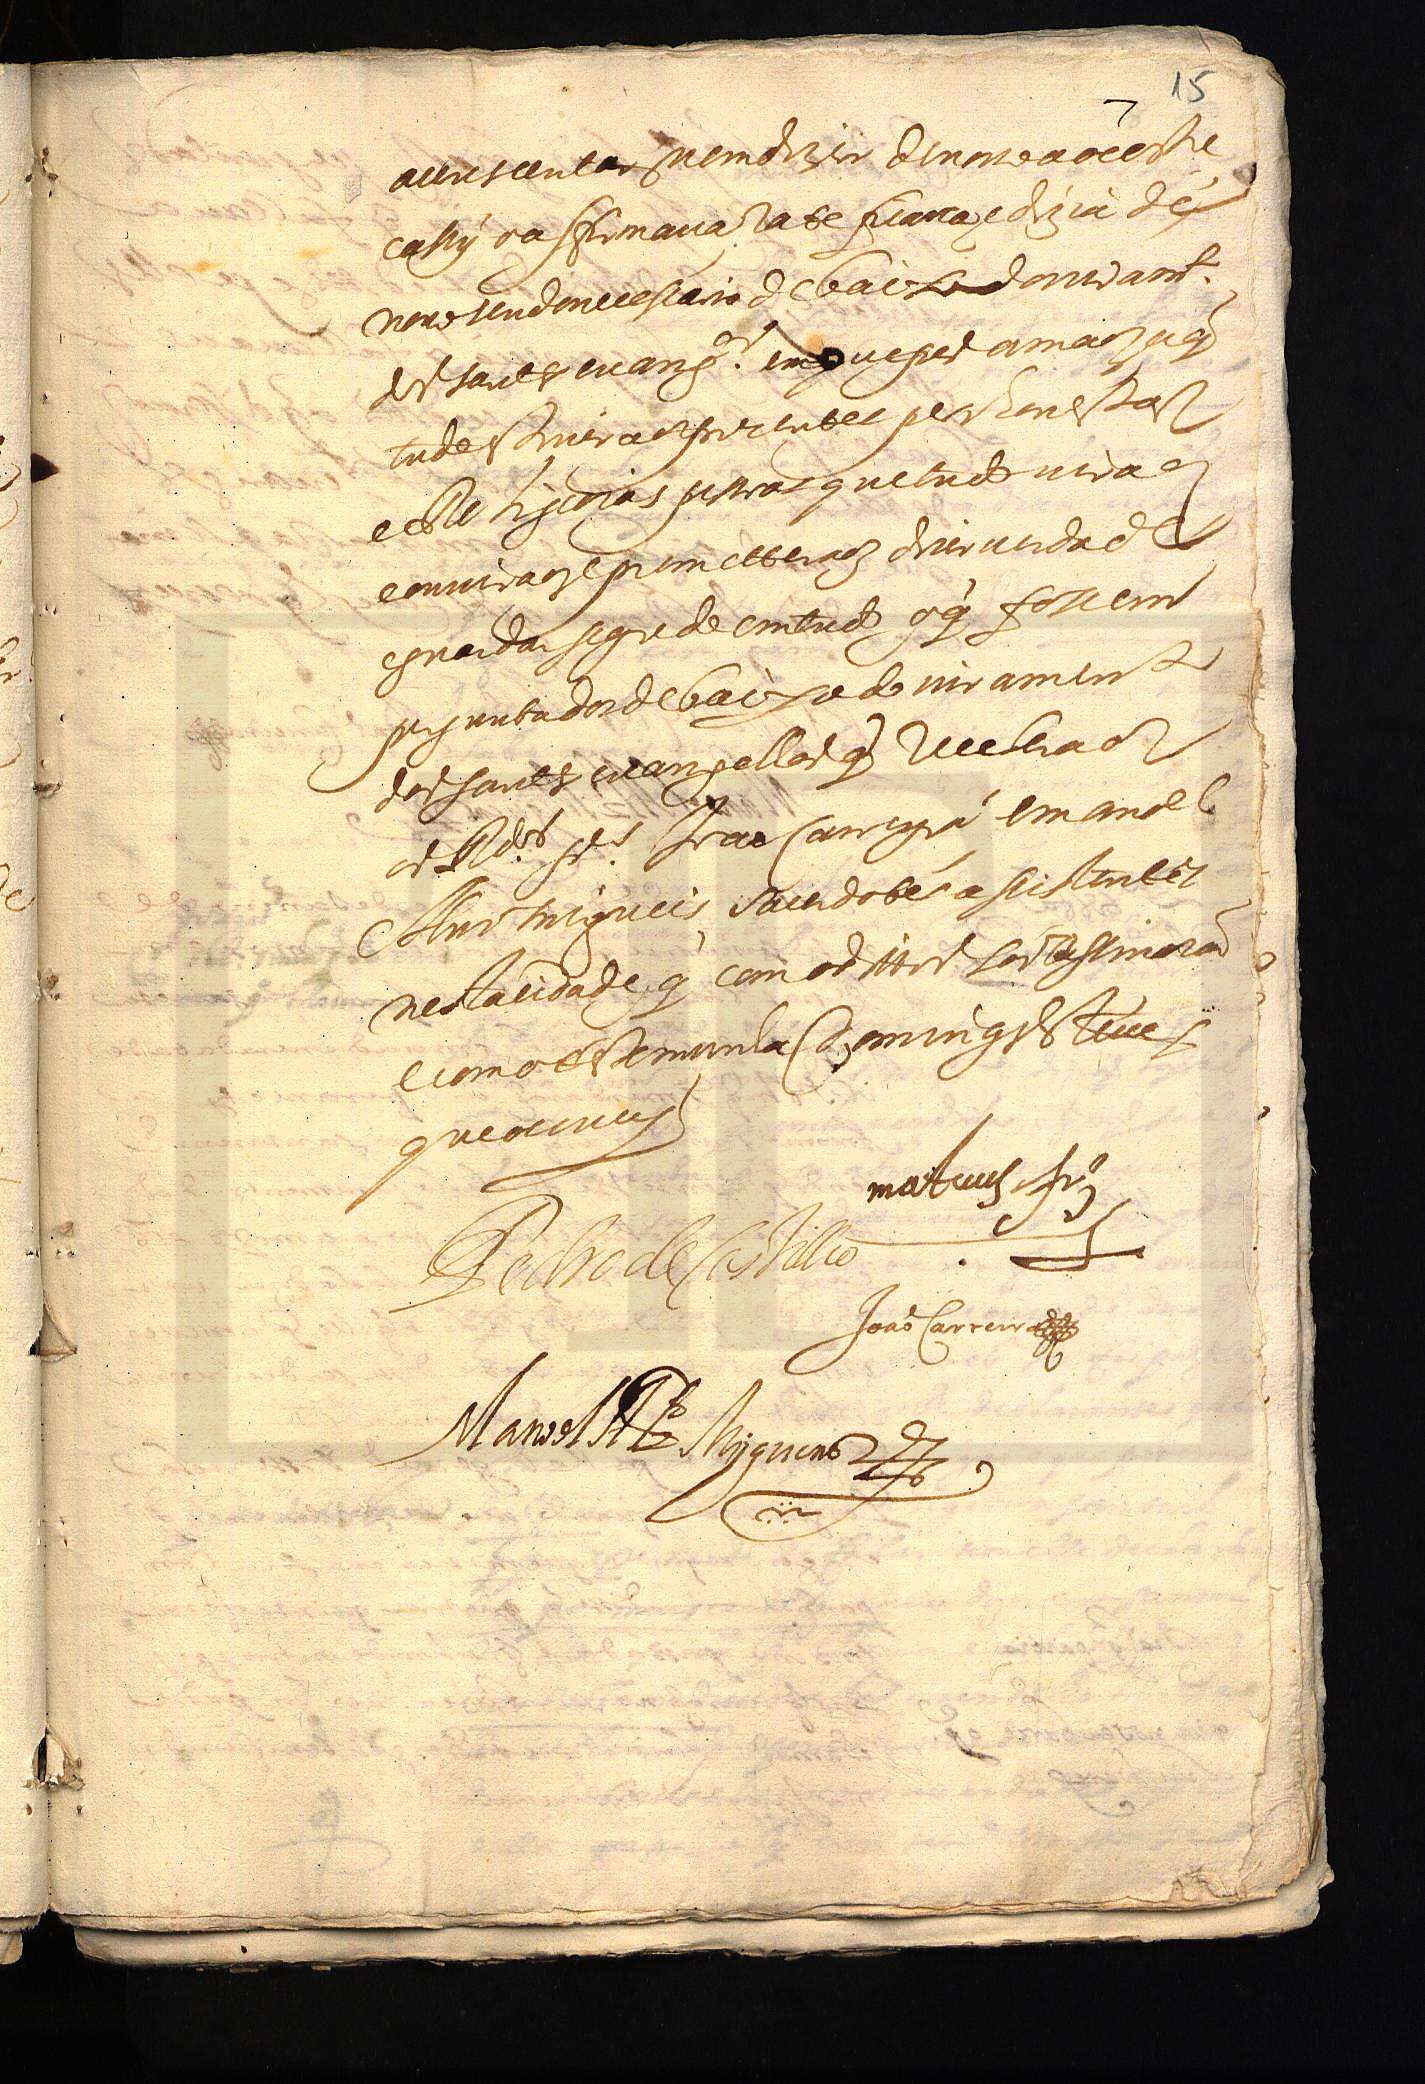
accrescentar nem dizer de nouo ao cost.e
e assy o affirmaua rateficaua, e dizia de
nouo sendo necessario debaixo do iuramto.
dos santos euang.os em que pos a maõ a q̄
tudo estiueraõ prezentes per honestas
e Relijiozas pessoas que tudo uiraõ
e ouuiraõ e prometteraõ dizer uerdade
e guardar segredo em tudo o q̄ fossem
perguntadas debaixo do iuramento
dos santos euangelhos q̄ Receberaõ
os R.dos sres. Joao Carreyra, e manoel
Aluz̄ migueis, Sacerdotes assistentes
nesta cidade, q̄ com o ditto sor assinaraõ
e com a testemunha Dominḡs Esteues
que o screuj
